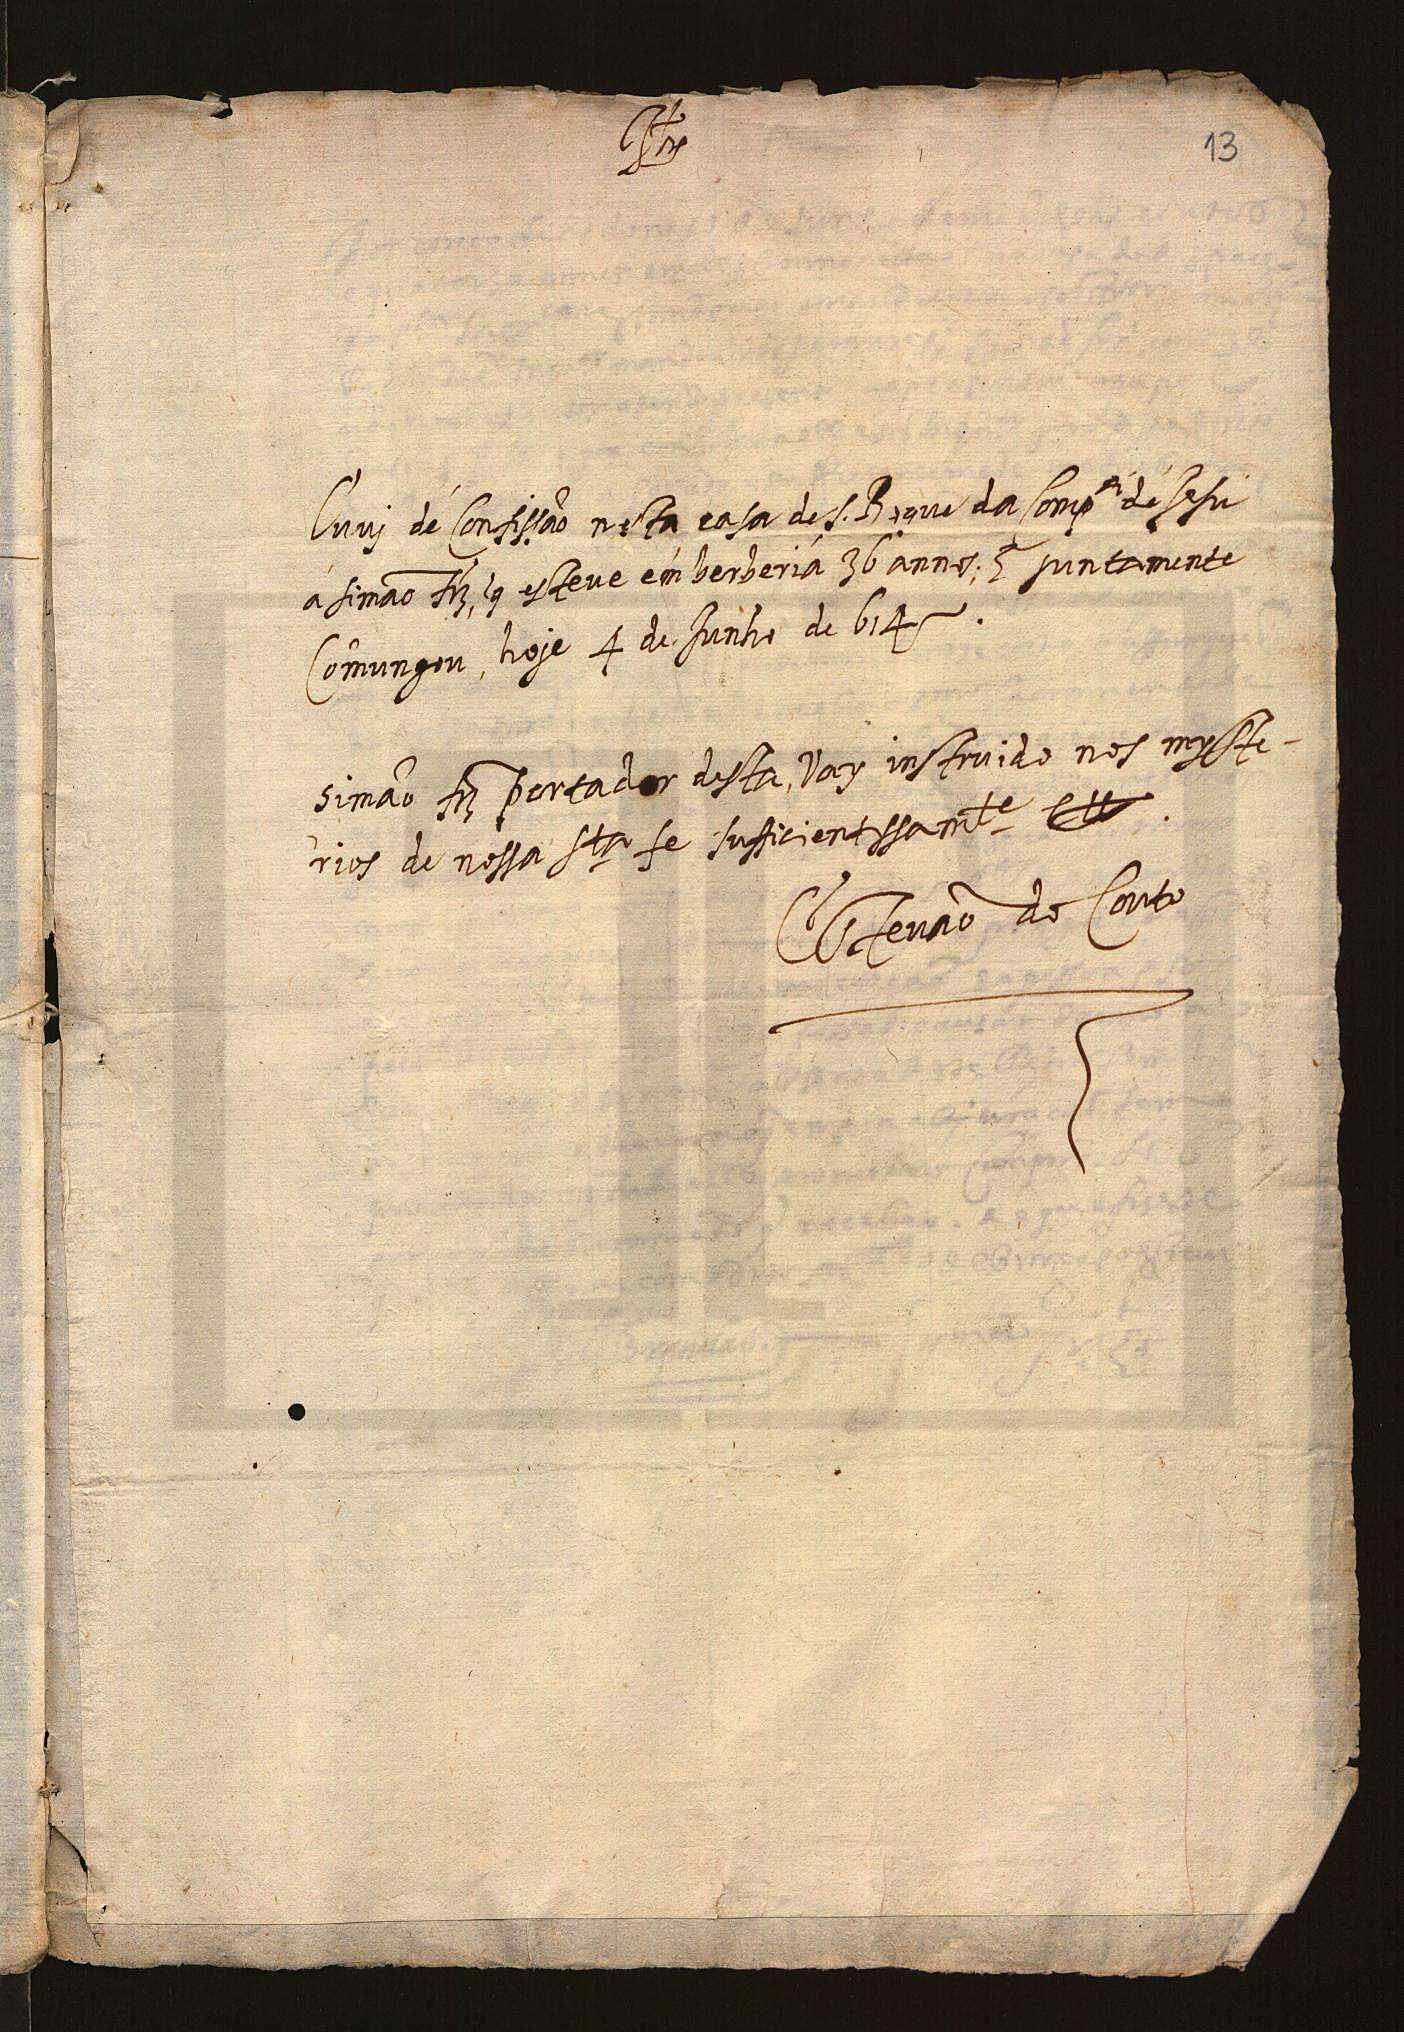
Jh̄s
Ouuj de Confissaõ nesta casa de S. Roque da Compa de Jesu
a Simão frz̄, q̄ esteue em berberia 36 annos; E juntamente
Com̄ungou, hoje 4 de Junho de 614.
simão frz̄ portador desta vay instruido nos myste
rios de nossa S.ta fe sufficientissamte Ett.
Esteuaõ do Couto
